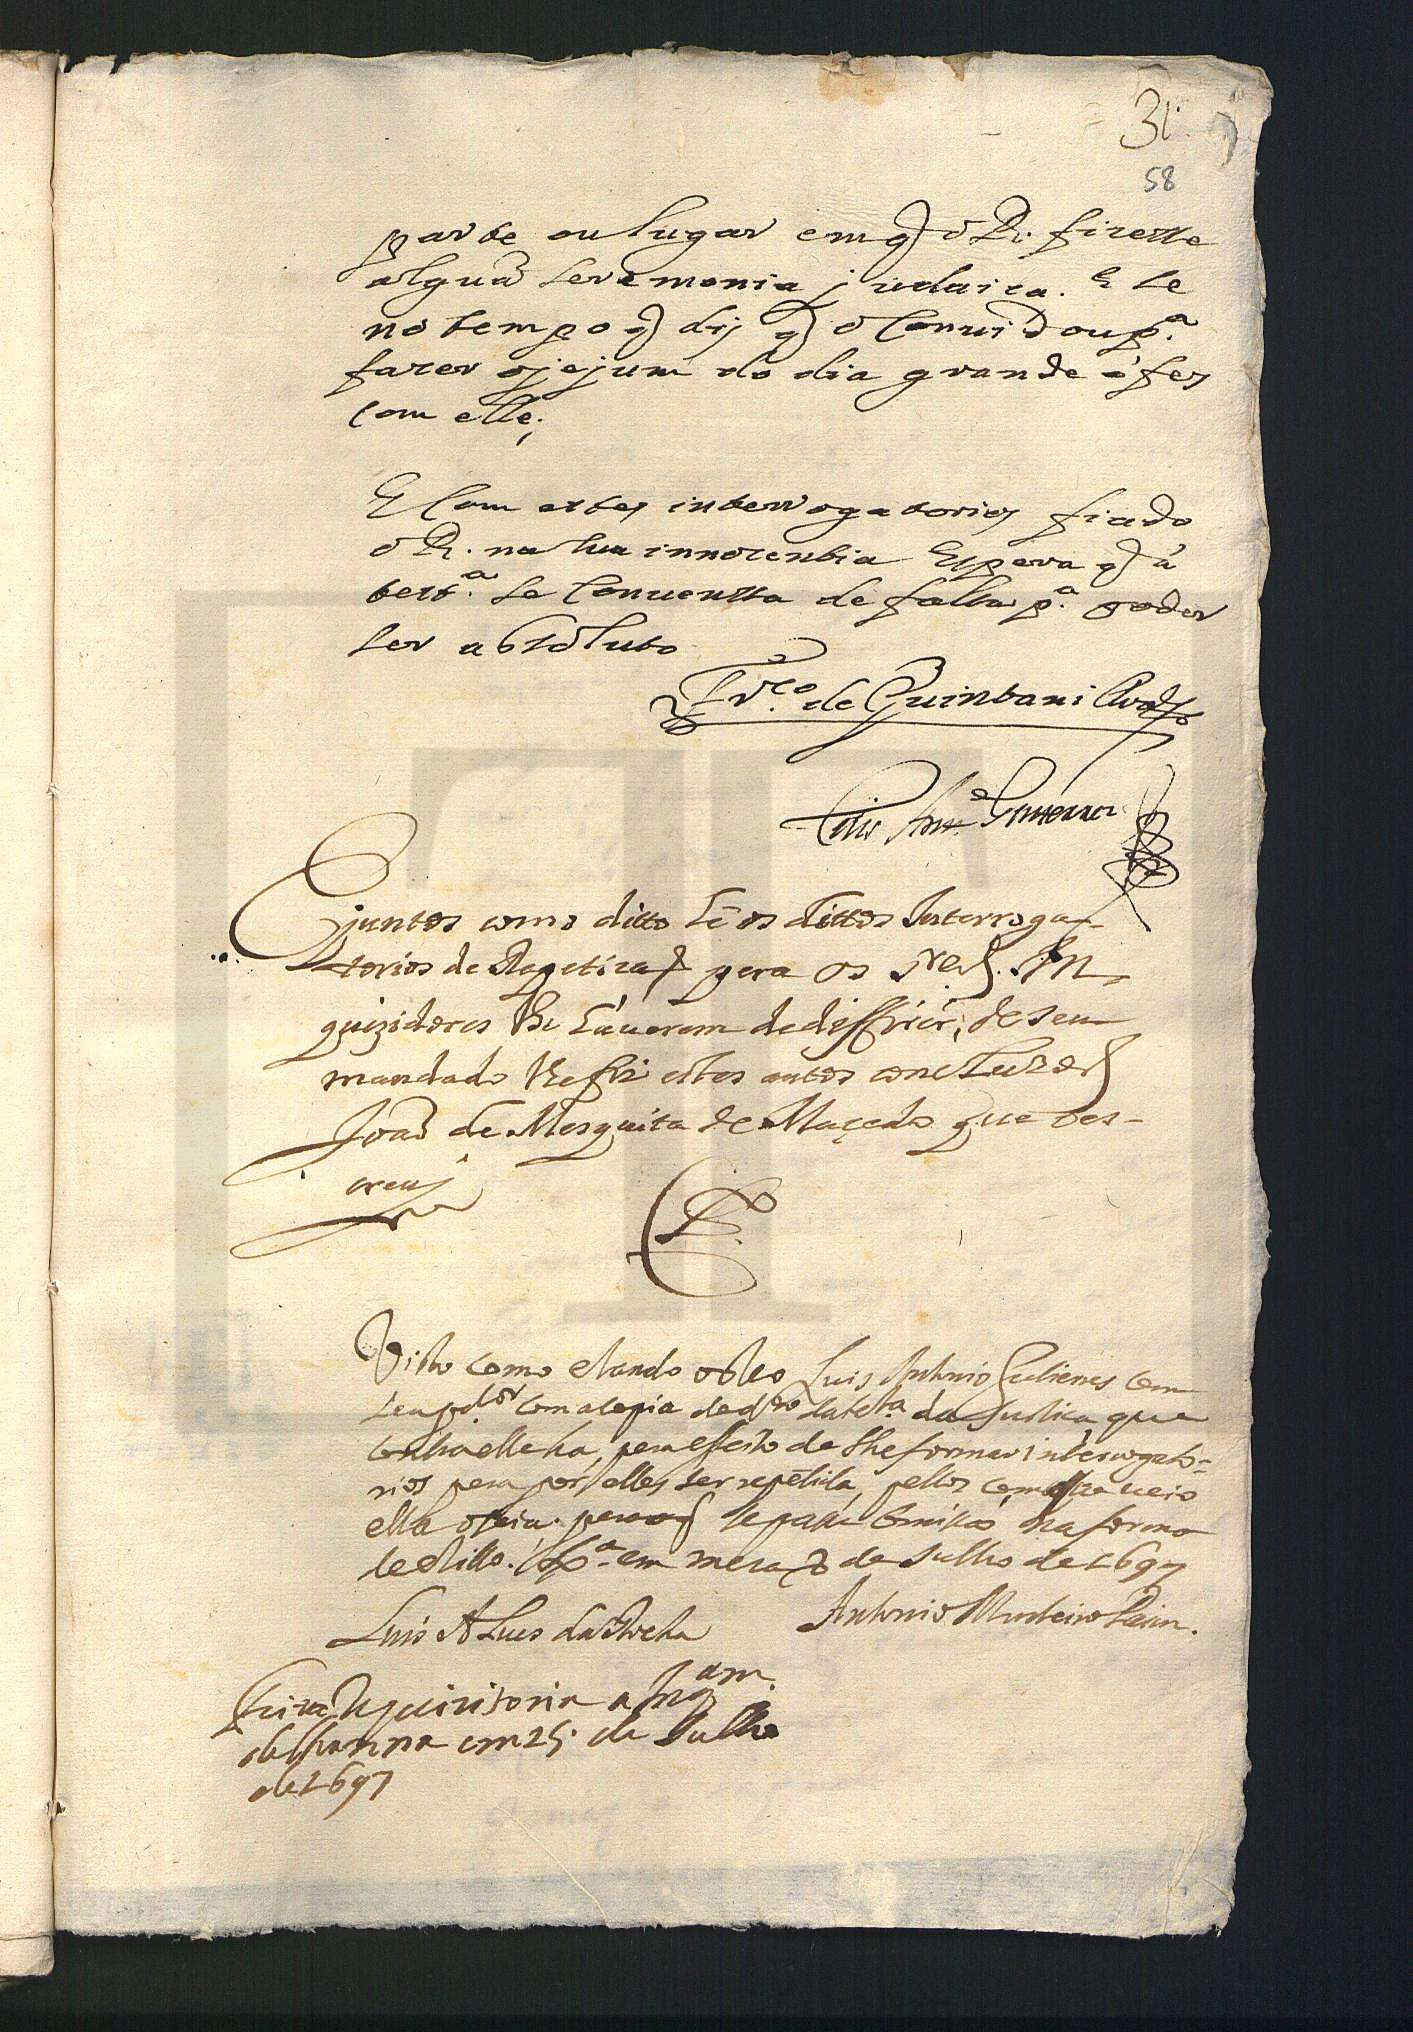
parte ou lugar em q̄ o R. fizesse
alguā seremonia judaica. E se
no tempo q̄ dis q̄ o Conuidou p.a
fazer o jejum do dia grande o fes
com elle;
E Com estes interrogatorios fiado
o R. na sua innocentia Espera q̄ á
test.a se Conuenssa de falca p.a poder
ser absoluto
E juntos como ditto hé os dittos Interroga
torios de Repetiçaõ pera os sres. In
quizidores lhe hauerem de diffirir, de seu
mandado lhe fiz estes autos concLuzos
Joaõ de Mesquita de Maçedo que o es
creuj
Visto como estando o Reo Luis Antonio Gutierres com
seu p.dor com a copia do dto da test.a da Justiça que
contra elle ha, pera effeito de lhe formar interrogato
rios pera por elles ser repetida, pellos com que ueio
ella o seia; pera o q̄ se passe comissaõ na forma
do ditto. Lxa. em meza 8 de Iulho de 1697
Feita Requizitoria a Inqam.
de lhanna em 25. de Iulho
de 1697
